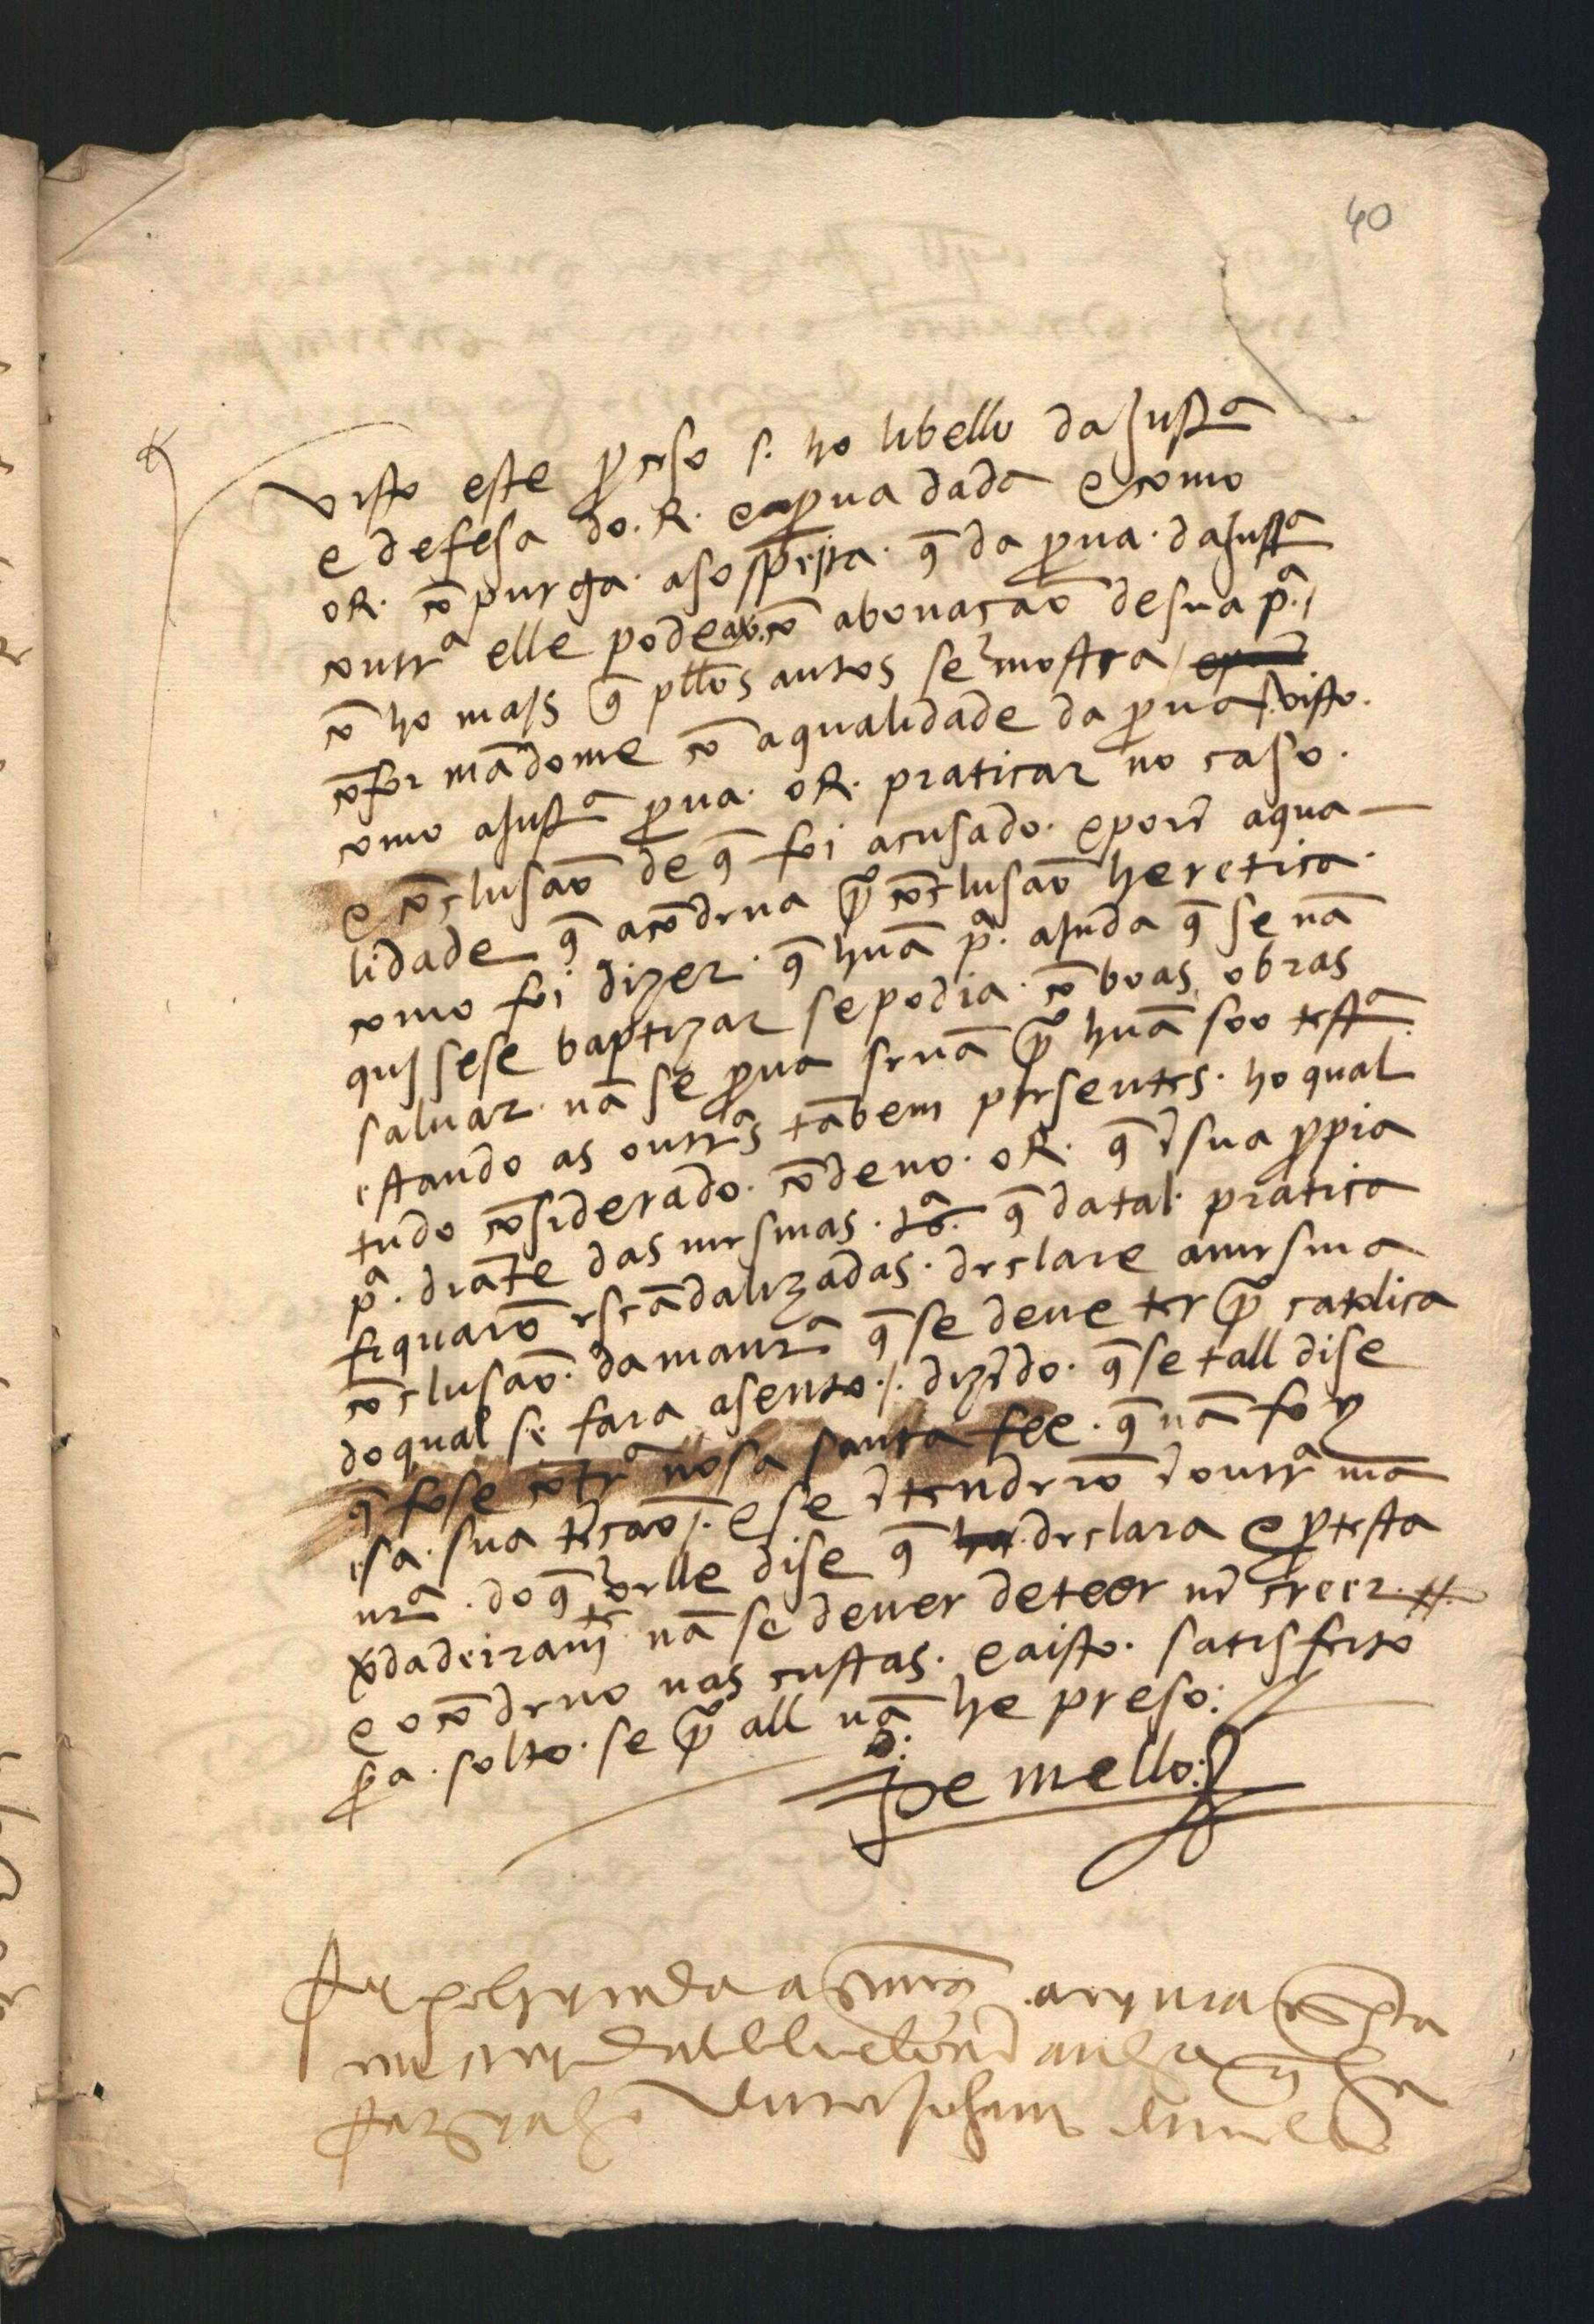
Visto este ꝓceso s. ho libello da Justa
e defesa do .R. e a ꝓua dada e como
o R. c̄o purga. a sospejta. q̄ da ꝓua. da Justa
contra elle pode aꝟ. c̄o abonaçaõ de sua pa./
cō ho maJs q̄ pl̄los autos se mostra / e porē
c̄oformādome c̄o a qualidade da ꝓua/. visto.
como a Justa ꝓua. o R. praticar no caso.
e c̄oclusão de q̄ foi acusado. e porē a qua
lidade q̄ a cōdena p̄o c̄oclusão heretica.
como foi dizer. q̄ huā pa. aJnda q̄ se nā
qujsese baptizar se podia. cō boas obras
saluar. nā se ꝓua senā p̄o huā soo testa
estando as outras tābem presentes. ho qual
tudo c̄osiderado. c̄odeno. o R. q̄ ē sua ꝓpia
pa. diāte das mesmas. tas. q̄ da tal. pratica
fiquarō escādalizadas. declare a mesma
c̄oclusão. da manra q̄ se deue ter p̄o catolica
do qual se fara asento./. dizēdo. q̄ se tall dise
q̄ fose c̄otra nosa santa fee. q̄ nā foy
esa. sua tēçaõ /. e se ētenderō ē outra ma
nra. do q̄ o elle dise q̄ _ declara e ꝓtesta
ꝟdadeiramte. nā se deuer de teer nem creer.//.
e o c̄odeno nas custas. e a isto. satisfeito
ꞩa. solto. se p̄o all nā he preso://
Foy pobrycada a s̄ença acyma esp̄ta
em a cydade de lixboa ē audja q̄ hi
fazya ho doutor Joham de mello
